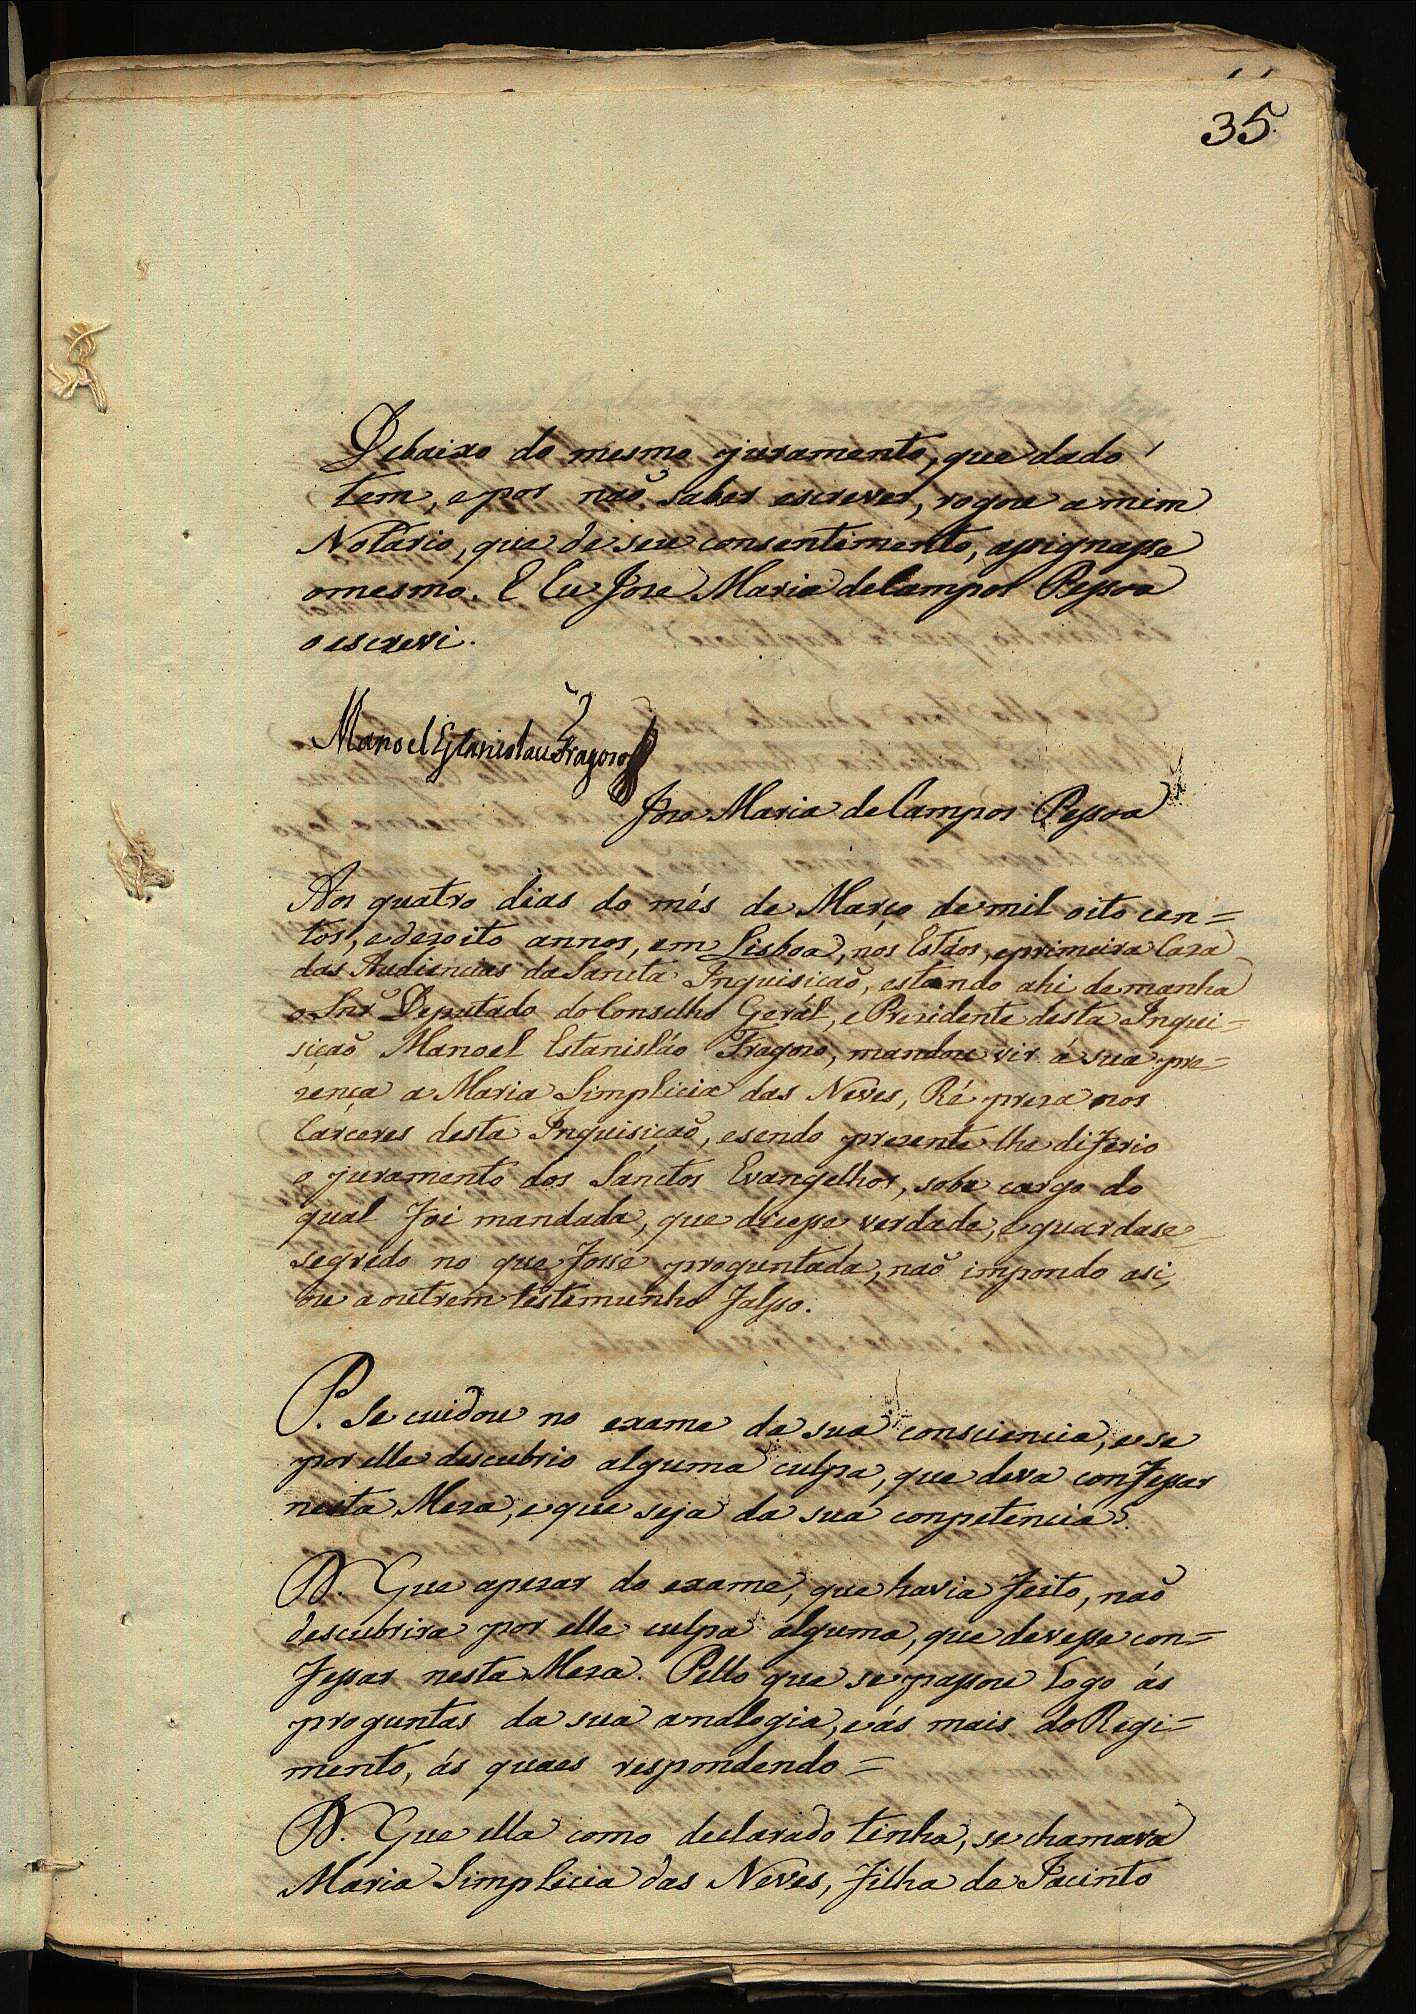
Debaixo do mesmo juramento, que dado
tem, e por naõ saber escrever, rogou a mim
Notario, que de seu consentimento, assignasse
o mesmo. E eu Joze Maria de Campos Pessoa
o escrevi.
